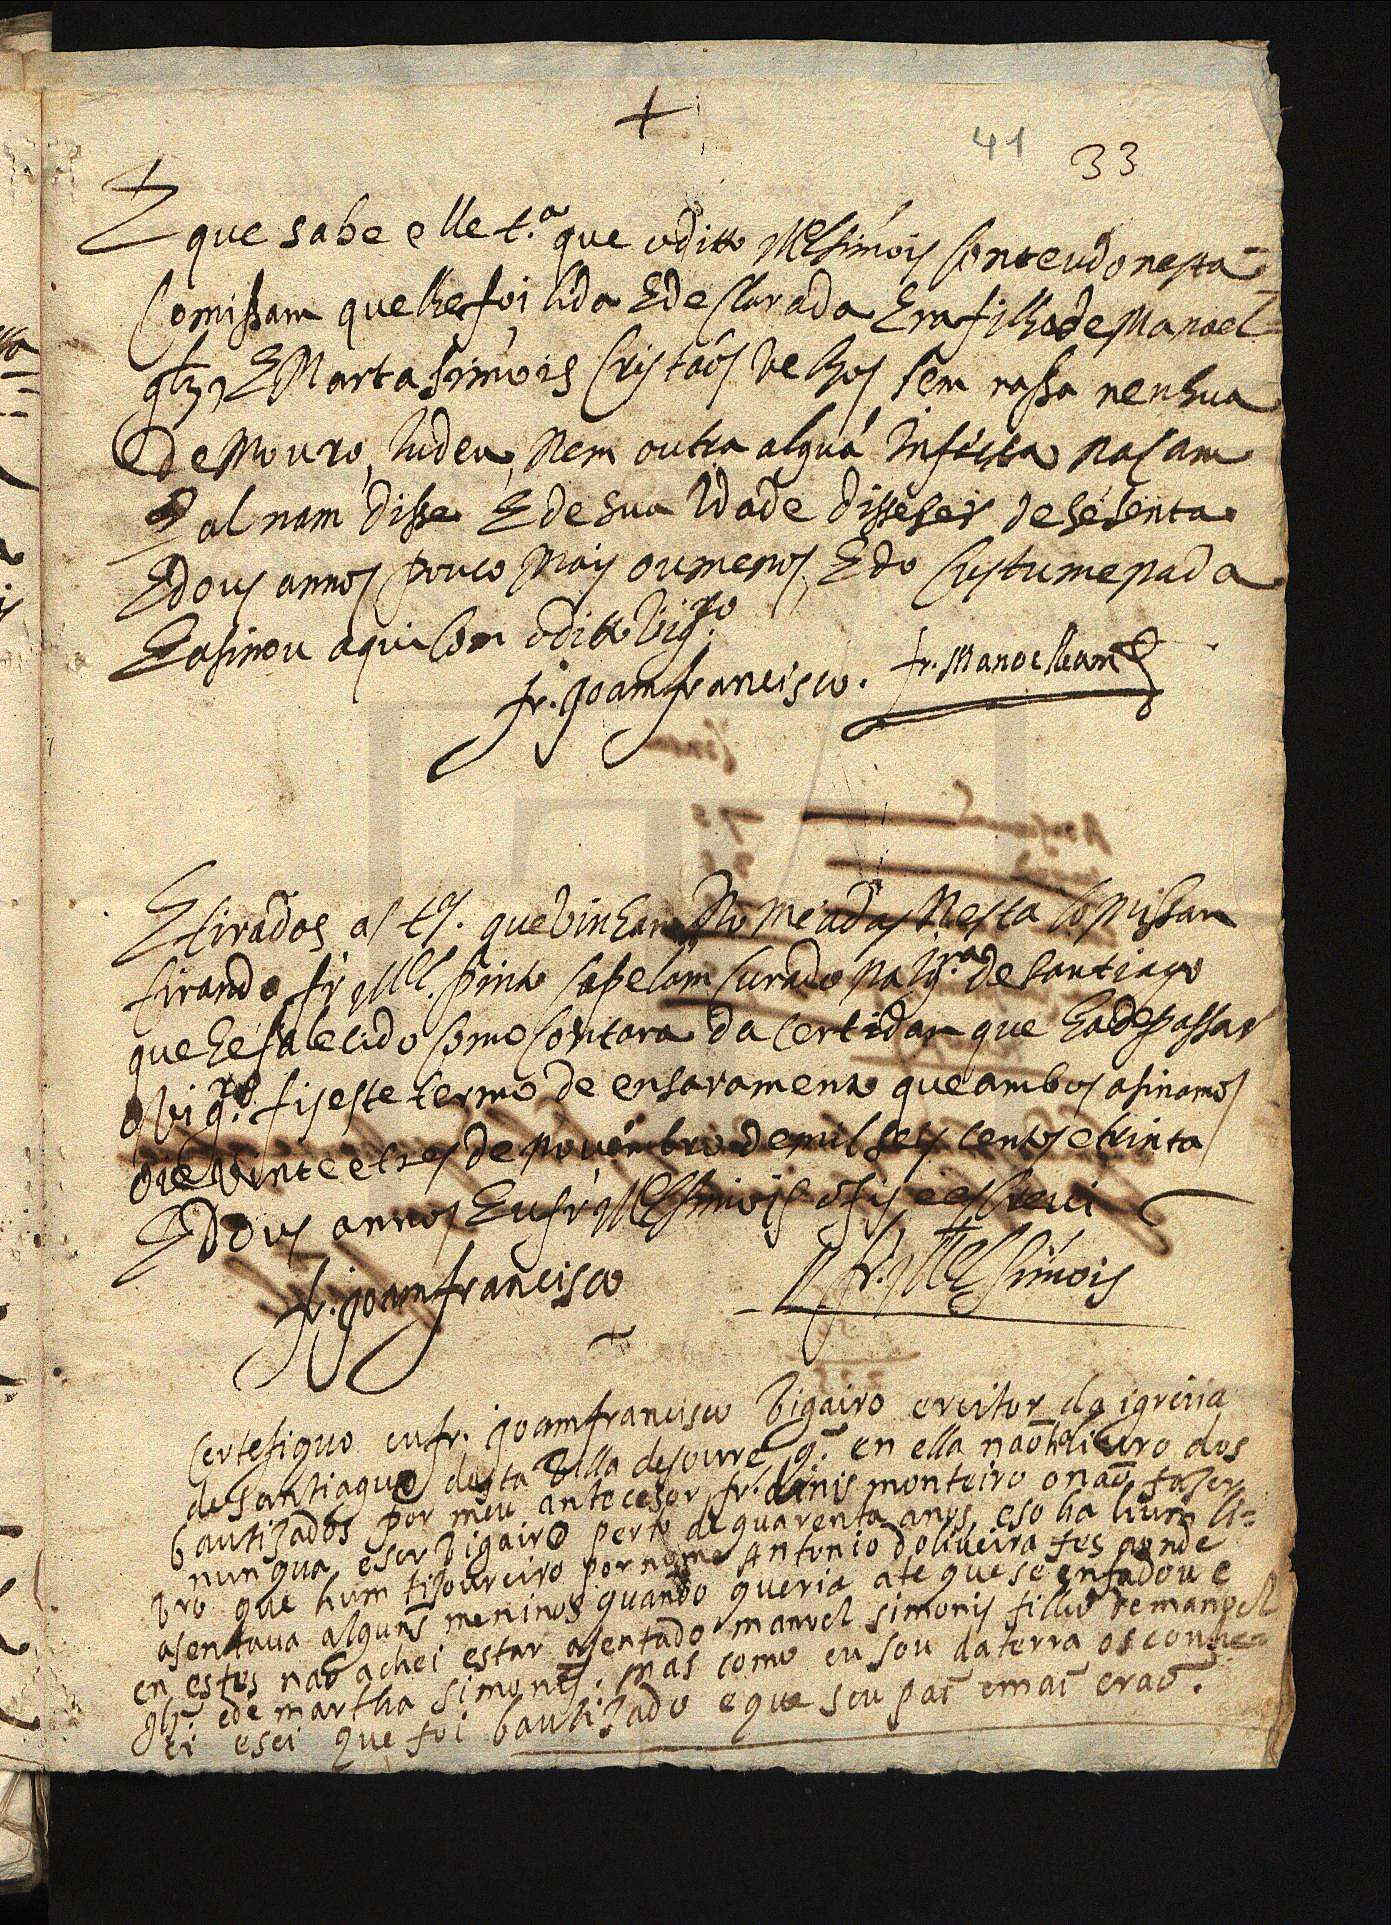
E que sabe elle t.a que o ditto Mel simõis Conteudo nesta
Comissam que lhe foi lida E declarada era filho de Manoel
gl̄z, E Marta Simõis Cristaõs velhos sem rassa nenhua
de mouro, Iudeu, nem outra alguā Infecta naCam
E al nam disse E de sua Idade disse ser de sesenta
E dous annos pouco mais ou menos, E do Custume nada
E asinou aqui com o ditto vig.ro
E tiradas as tas. que vinham nomeadas nesta comissam
tirando fr Mel pinto Capelam Curado na Igr.a de santiago
que he falecido Como Contara da certidam que ha de passar
o vig.ro fis este termo de ensaramento que ambos asinamos
oie vinte e tres de nouembro de mil seiscentos e trinta
E dous annos Eu fr Mel simois o fis e escreui
Certefiquo eu fr. Joam francisco Vigairo e reitor da igreiia
de Santiaguo desta villa de soure, q̄ en ella naõ ha liuro dos
bautizados por meu antecesor, fr. dinis monteiro o naõ fazer
nunqua e ser vigairo perto de quarenta anos, e so ha liuro li
vro que hum tizoureiro por nome Antonio doliueira fes aonde
asentaua alguns meninos quando queria ate que se enfadou e
en estes naõ achei estar asentado manoel simonis filho de manoel
gls̄. e de martha simonis. mas como eu sou da terra os conhe
ci e sei que foi bautizado e que seu paĩ e maĩ eraõ.
